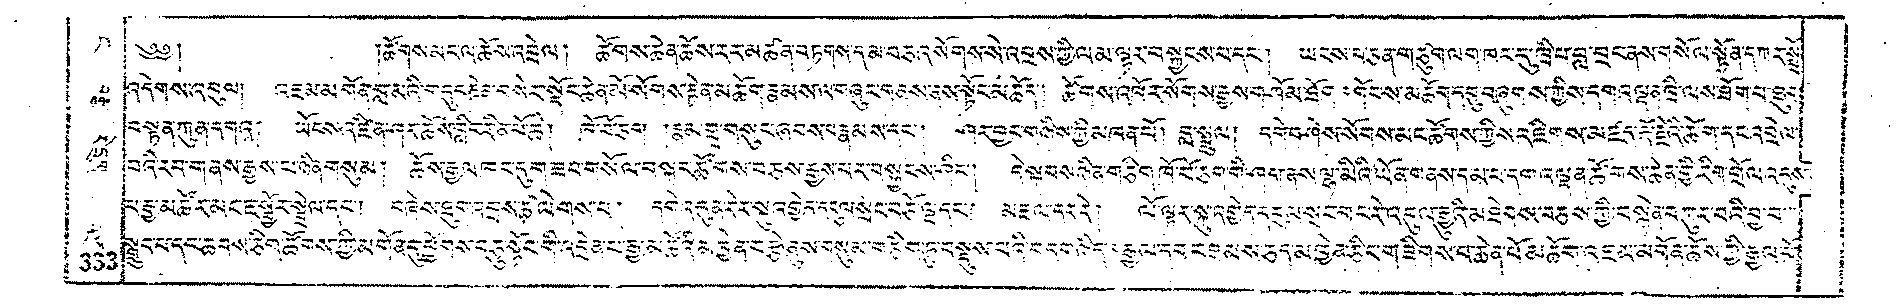༄༅། །ཚོགས་མང་ལ་ཆོས་འབྲེལ། ཚོགས་ཆེན་ཆོས་རར་མཚན་བཏགས་དམ་བཅའ་སོགས་སེ་འབྲས་ཀྱི་ལམ་ལྟར་བསྐྱངས་པ་དང་། ཡངས་པ་ཅན་གཙུག་ལག་ཁང་དུ་ཁྲི་པ་བླ་བྲང་ནས་གསོལ་སྟོན་དཀར་སྤྲོ་
འདེགས་འབུལ། འཇམ་མགོན་བླ་མའི་གདུང་རྟེན་གསེར་སྡོང་ཆེན་མོ་སོགས་རྟེན་མཆོག་རྣམས་ལ་གཞུང་གནས་ནས་སྟོང་མཆོད། ཚོགས་འཁོར་སོགས་རྒྱས་གཤོམ་ཐོག་༧གོང་ས་མཆོག་དབུ་བཞུགས་ཀྱིས་དགའ་ལྡན་ཁྲི་ལས་ཐོག་པ་ཐུབ་
བསྟན་ཀུན་དགའ། ཡོངས་འཛིན་ཤར་ཆོས་གླིང་རིན་པོ་ཆེ། ཁོ་བོ་ཅག །རྣམ་གྲྭ་གསུང་ཞབས་པ་རྣམས་དང་། ཤར་བྱང་གཉིས་ཀྱི་མཁན་པོ། བླ་སྤྲུལ། དགེ་བཤེས་སོགས་མང་ཚོགས་ཀྱིས་འཇིགས་མཛད་རྡོ་རྗེའི་ཆོ་ག་དང་འབྲེལ་
བའི་རབ་གནས་རྒྱས་པ་ཉིན་གསུམ། ཆོས་རྒྱལ་ཁང་དུ་གཟབ་གསོལ་བསྐང་ཚོགས་བཅས་རྒྱས་པར་བསྐྱངས་ཤིང་། དེ་སྐབས་ཉིན་གཅིག་ཁོ་བོ་ཅག་གི་ཤག་ནས་ལྷ་མིའི་ཡོན་གནས་དམ་པ་དགའ་ལྡན་ཚོགས་ཆེན་གྱི་རིག་གྲོལ་འདུས་
པ་རྒྱ་མཚོར་མང་ཇ་སྦྱོར་སྦྲེལ་དང་། བཞེས་ཐུག་འབྲས་ཚ་ལེགས་པ། དགེ་འདུན་རེར་སྐུ་འགྱེད་དངུལ་སྲང་བཅོ་ལྔ་དང་། མཇལ་དར་རེ། ལོ་ལྟར་སྐུ་འགྱེད་དངུལ་སྲང་གང་རེ་འབུལ་རྒྱུའི་མ་ཐེབས་བཅས་ཀྱི་བསྙེན་བཀུར་བའི་བྱ་བ་
སྒྲུབ་པ་དང་ཆབས་ཅིག་ཚོགས་ཀྱི་མགོན་དུ་ཕྱོགས་བཅུ་སྟོང་གི་འདྲེན་པ་རྒྱ་མཚོའི་མཁྱེན་བརྩེ་ནུས་གསུམ་གཅིག་ཏུ་བསྡུས་པའི་བདག་ཉིད་༧རྒྱལ་དབང་ཐམས་ཅད་མཁྱེན་ཅིང་གཟིགས་པ་ཆེན་པོ་མཆོག་འཇམ་མགོན་ཆོས་ཀྱི་རྒྱལ་པོ་